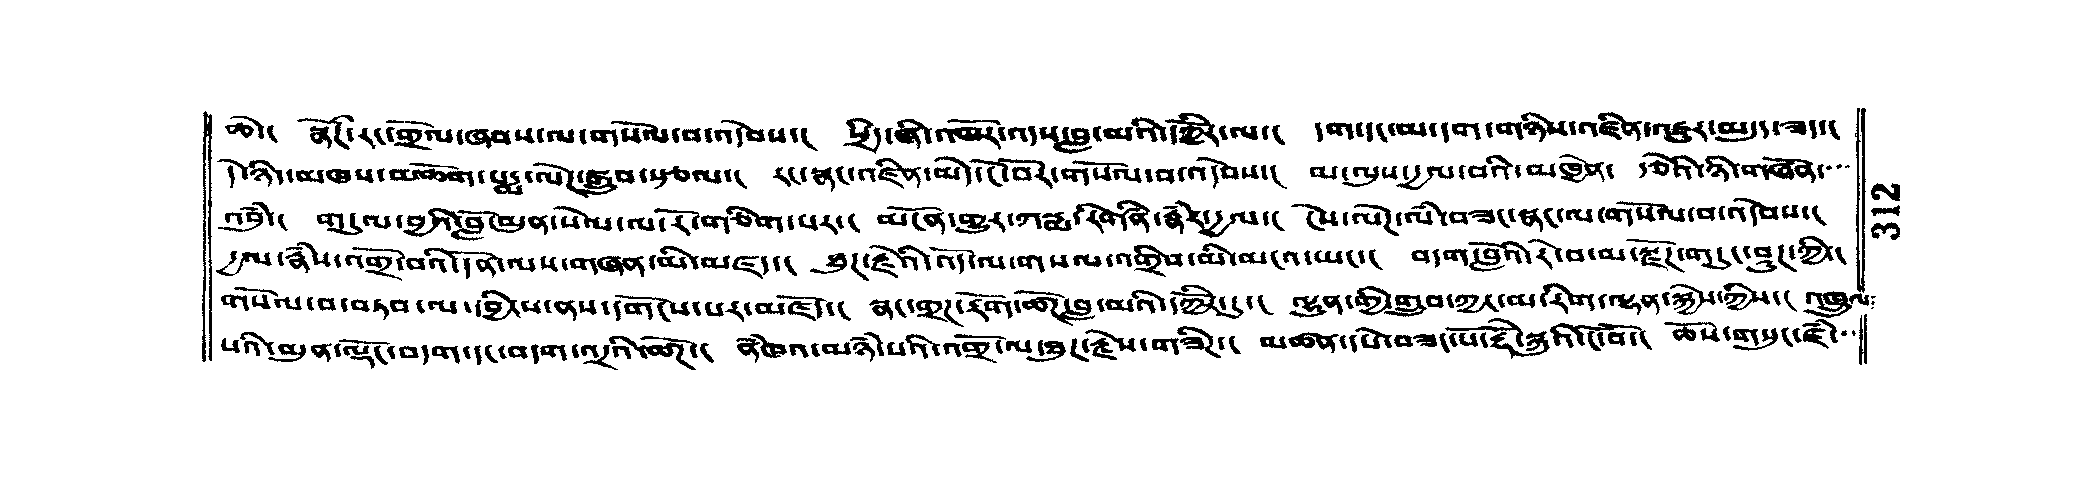ཆེ། །སྣ་ཚོགས་རང་གྲོལ་ཞབས་ལ་གསོལ་བ་འདེབས། །སྲིད་ཞི་འཁོར་འདས་བླ་མའི་དཀྱིལ་འཁོར་ལ། །དག་དང་མ་དག་གཉིས་འཛིན་འཇུར་མདུད་ཟད། །
དེ་ཉིད་མཁས་མཆོག་པདྨ་ལེགས་སྒྲུབ་རྩལ། །རང་སྣང་འཛིན་མེད་ངོ་བོར་གསོལ་བ་འདེབས། །མ་ལུས་རྒྱལ་བའི་མཁྱེན་རྩེའི་ཉི་གཞོན་
འབུམ། །གདུལ་བྱའི་བློ་མུན་སེལ་ལ་རོ་གཅིག་པར། །མངོན་གྱུར་ཀརྨ་རིག་འཛིན་རྣམ་པར་རྒྱལ། །ངེས་ལེགས་ལམ་བཟང་སྣང་ལ་གསོལ་བ་འདེབས། །
རྒྱལ་རྣམས་འགྲོ་བའི་དོན་ལས་གཞན་མི་མཛད། །ཐུགས་རྗེའི་འོད་ལ་གསལ་འགྲིབ་མི་མངའ་ཡང་། །བདག་བློའི་རེ་བ་མ་རྫོགས་གདུང་ཤུགས་ཀྱི། །
གསོལ་བ་བཏབ་ལ་དབྱིངས་ནས་དགོངས་པར་མཛོད། །སྣང་གྲགས་རྟོག་ཚོགས་བླ་མའི་དཀྱིལ་འཁོར་དུ། །ལྷུན་གྱི་གྲུབ་ཀྱང་མ་རིག་ལྷན་སྐྱེས་ཀྱིས། །འཁྲུལ་
པས་མུན་ལྡོངས་བདག་དང་བདག་འདྲའི་ཚོགས། །ནམ་མཁའ་མཉམ་པའི་འགྲོ་ལ་ཐུགས་རྗེས་གཟིགས། །མཚན་དཔེ་བཟང་པོ་རྡོ་རྗེ་སྐུའི་ངོ་བོ། །ཆོས་གསུང་འཇམ་དཔལ་